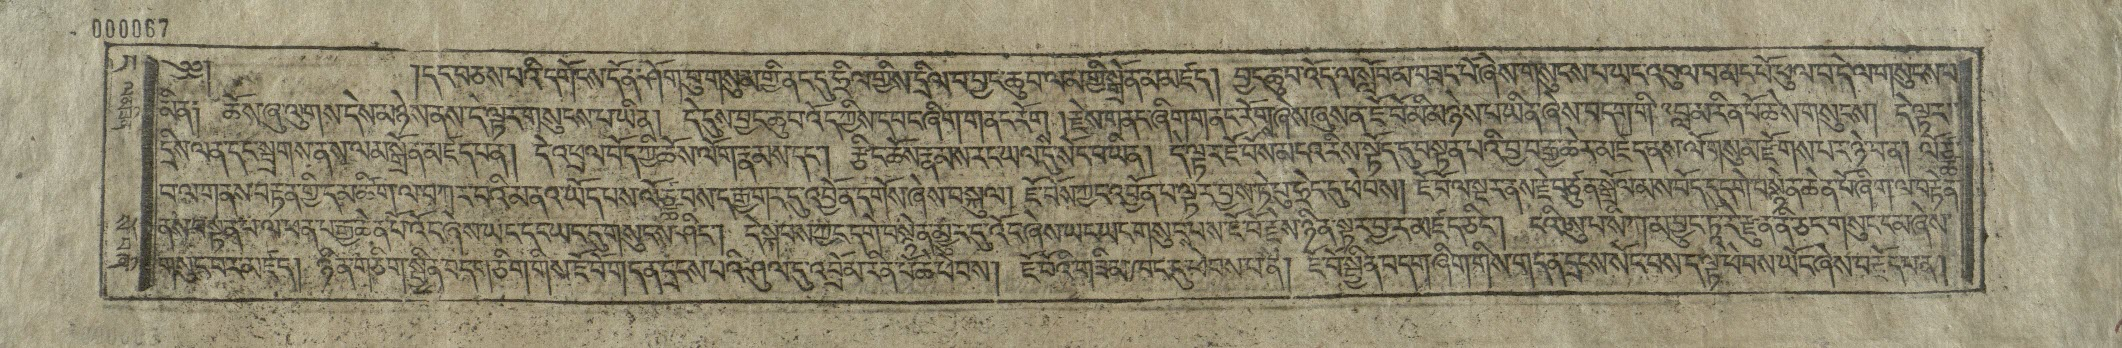༄༅། །དང་བཅས་པའི་དགོངས་དོན་ཤོག་བུ་གསུམ་གྱི་ནང་དུ་ཧྲིལ་གྱིས་དྲིལ་བ་བྱང་ཆུབ་ལམ་གྱི་སྒྲོན་མ་མཛད། བྱང་ཆུབ་འོད་ལ་སློབ་མ་བཟང་པོ་ཞེས་གསུངས་པ་ཡང་འབུལ་བ་མང་པོ་ཕུལ་བ་དེ་ལ་གསུངས་པ་
མིན༑ ཆོས་ཞུ་ལུགས་དེས་མཉེས་ནས་དེ་ལྟར་གསུངས་པ་ཡིན། དེ་དུས་བྱང་ཆུབ་འོད་ཀྱིས་དབང་ཞིག་གནང་རོགས་།རྗེས་གནང་ཞིག་གནང་རོགས་ཞེས་ཞུས་ན་ཇོ་བོ་མི་མཉེས་པ་ཡིན་ཞེས་བདག་གི་བླ་མ་རིན་པོ་ཆེ་ས་གསུངས། དེ་ལྟར་
དྲིས་ལན་དང་སྦྲགས་ནས་ལམ་སྒྲོན་མཛད་པ་ན། དེ་འཕྲལ་བོད་ཀྱི་ཆོས་ལོག་རྣམས་དང་། རྩིང་ཆོས་རྣམས་རང་ཡལ་དུ་སོང་བ་ཡིན། དེ་ལྟར་ཇོ་བོས་མངའ་རིས་སྟོད་དུ་བསྟན་པའི་བྱ་བ་རྒྱ་ཆེར་མཛད་ནས་ལོ་གསུམ་རྫོགས་པར་ཉེ་བ་ན། ལོ་ཙྪ་
བ་ལ་གནས་བརྟན་གྱི་དམ་ཚིག་ལ་བཀར་བའི་མནའ་ཡོད་པས་ལོ་ཙྪ་བས་ད་རྒྱ་གར་དུ་འབྱོན་དོགས་ཞེས་བསྐུར། ཇོ་བོས་ཀྱང་འབྱོན་པ་ལྟར་བྱས་ཏེ་པུ་ཧྲེང་དུ་ཕེབས། ཇོ་བོ་ལ་སྔར་ནས་རྗེ་བཙུན་སྒྲོལ་མས་བོད་དུ་དགེ་བསྙེན་ཆེན་པོ་ཞིག་ལ་བརྟེན་
ནས་བསྟན་པ་ལ་ཕན་པ་རྒྱ་ཆེན་པོ་འོང་ཞེས་ཡང་དང་ཡང་དུ་གསུངས་ཤིང་། དེ་སྐབས་ཀྱང་དགེ་བསྙེན་མྱུར་དུ་འོང་ཞེས་ཡང་ཡང་གསུངས་པས་ཇོ་བོ་རྗེས་ཉིན་སྟར་བྱ་ར་མཛད་ཅིང་། ངའི་ཨུ་པ་སི་ཀ་མ་བྱུང་ཏཱ་རེ་རྫུན་ནི་ཅན་གསུང་ངམ་ཞེས་
གསུང་བར་མཛད། ཉིན་གཅིག་སྦྱིན་བདག་ཅིག་གིས་ཇོ་བོ་གདན་དྲངས་པའི་ཤུལ་དུ་འབྲོམ་རིན་པོ་ཆེ་ཕེབས། ཇོ་བོའི་གཟིམ་ཁང་དུ་ཕེབས་པ་ན། ཇོ་བོ་སྦྱིན་བདག་ཞིག་གིས་གདན་དྲངས་སོང་བས་ད་ལྟ་ཕེབས་ཡོད་ཞེས་བརྗོད་པ་ན།